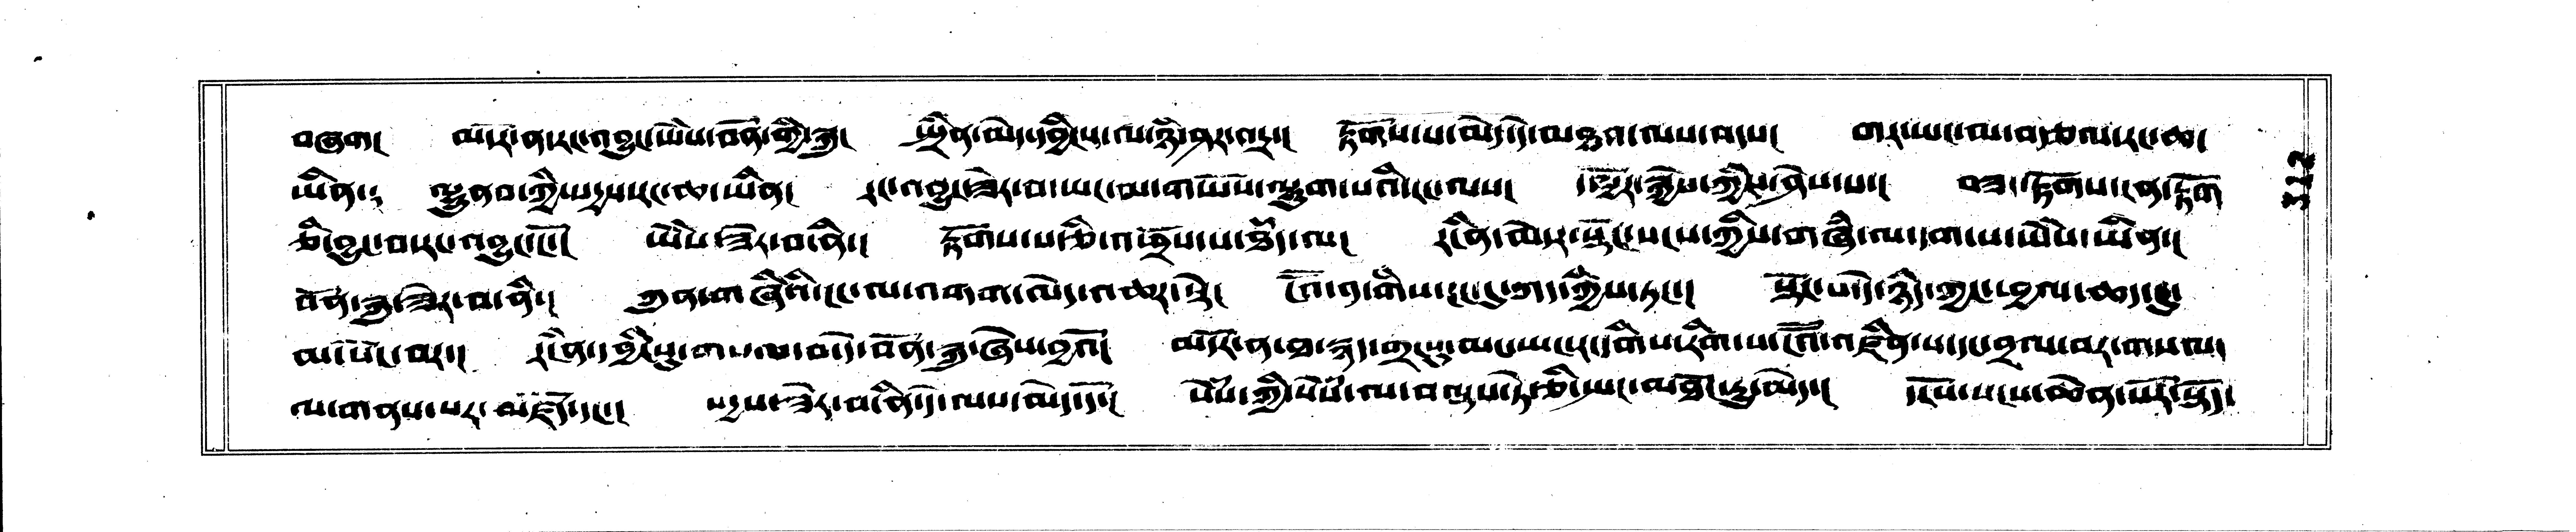བཞག མདོར་ན་རང་འབྱུང་ཡེ་ཤེས་ཀྱིས་བོན་སྐུ་ སྤྲིན་མེད་དབྱིངས་ལས་ཤར་འདྲ། རྟོག་པ་མེད་དེ་མཐའ་ལས་འདས། གར་ཡང་མ་བརྩལ་རང་ཆས་
ཏེ། ལྷུན་གྲུབ་ཀྱིས་སངས་རྒྱས་རང་ཆས་ཡིན། རང་འབྱུང་ཟེར་བ་ཡང་མི་གཡོ་ལྷུག་པའི་ངང་ལ། ཐོལ་སྐྱེས་ཀྱིས་ཤེས་པ་བཟང་རྟོག་ངན་རྟོག་
ཅི་བྱུང་ཡང་རང་འབྱུང་ངོ་། ཡེ་ཤེས་ཟེར་བ་ནི། རྟོག་པ་ཅི་འཕྲོ་བ་ཐམས་ཅད་ལ། རང་བཞིན་མེད་པར་སྟོང་སངས་ཀྱིས་གཞི་ལ་དག་པ་ལ་ཟེར་བ་ཡིན། 
བོན་གྱི་སྐུ་ཟེར་བ་ནི། ཀུན་གཞིའི་ངང་ལས་འཆར་ཏེ། ངོའོ་གཅིག་གིས་ངང་ལས་ཀད་གྱིས་ལྟོས་དང་། སྟོང་པ་དེ་ཉིད་ཕྱལ་ཆད་དུ་
མ་སོང་པར། རང་བཞིན་དབྱིངས་སུ་གསལ་བ་དེ་བོན་གྱི་སྐུ་ཅེས་བྱའོ། མདོར་ན་ཐ་སྙད་གྲངས་སུ་མང་ཡང་། རང་གིས་རིག་པའི་ངོའོ་འཛིན་པ་དང་བྲལ་བར་གསལ་
ལ་གནས་པར་མཛོད་དང་། སངས་རྒྱས་ཟེར་བ་ནི་དེ་ལས་མེད་དོ། སེམས་ཀྱིས་སེམས་ལ་བལྟས་ཏེ་ཅི་ཡང་མཐོང་རྒྱུ་མེད། དང་སངས་ཆེན་པོར་སྡོད་